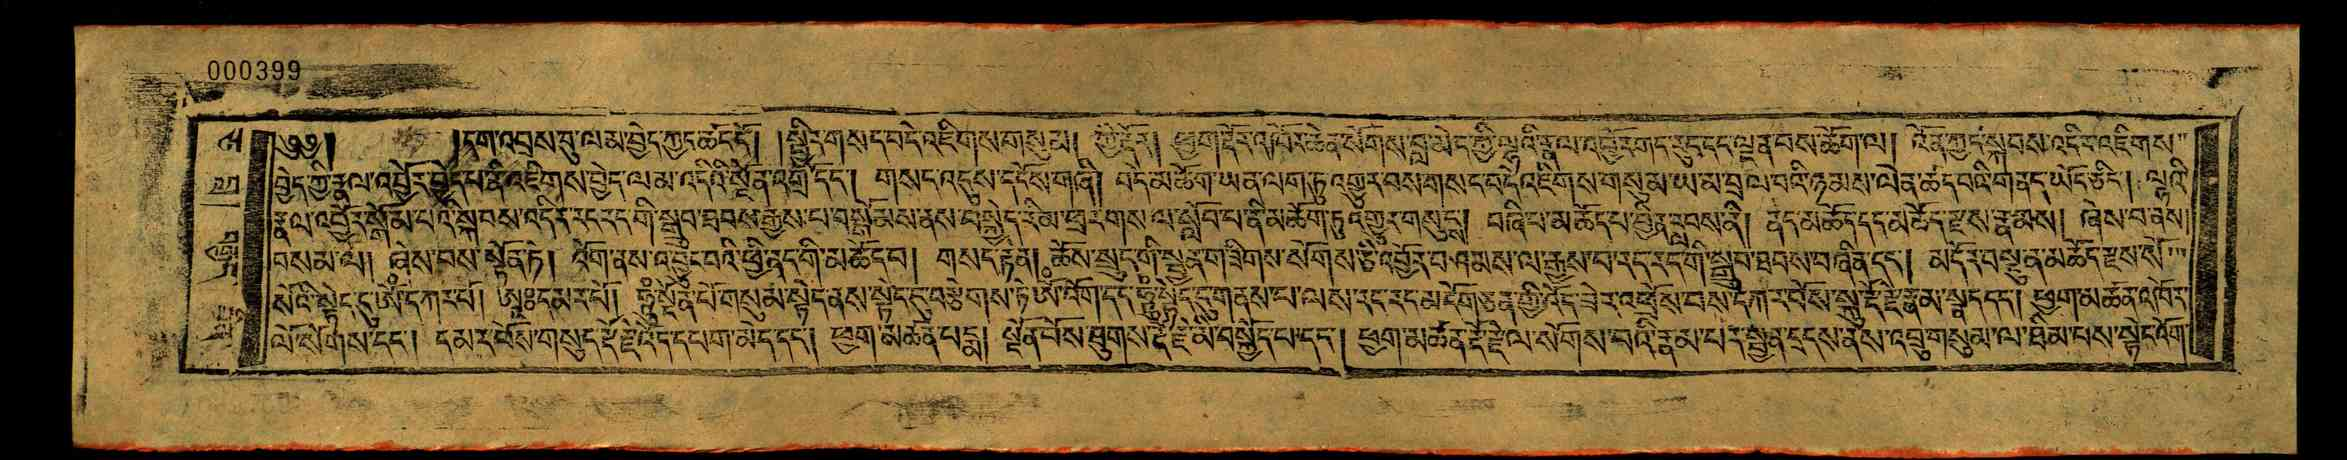༄༅། །ངག་འབྲས་བུ་ལམ་བྱེད་ཀྱང་ཚང་ངོ། །སྤྱིར་གསང་བདེ་འཇིགས་གསུམ། ཀྱཻ་རྡོར། ཕྱག་རྡོར་འཁོར་ཆེན་སོགས་བླ་མེད་ཀྱི་ལྷའི་རྣལ་འབྱོར་གང་རུང་དང་ལྡན་པས་ཆོག་ལ། འོན་ཀྱང་སྐབས་འདིར་འཇིགས་
བྱེད་ཀྱི་རྣལ་འབྱོར་བྱེད་པ་ནི་འཇིགས་བྱེད་ལམ་འདིའི་སྔོན་འགྲོ་དང་། གསང་འདུས་དངོས་གཞི། བདེ་མཆོག་ཡན་ལག་ཏུ་འགྱུར་བ་གསང་བདེ་འཇིགས་གསུམ་ཡམ་བྲལ་བའི་ཉམས་ལེན་ཚང་བའི་གནད་ཡོད་ཅིང་། ལྷའི་
རྣལ་འབྱོར་སྒོམ་པའི་སྐབས་འདིར་རང་རང་གི་སྒྲུབ་ཐབས་རྒྱས་པ་བསྒོམས་ནས་བསྐྱེད་རིམ་ཕྲ་རགས་ལ་སློབ་པ་ནི་མཆོག་ཏུ་འགྱུར་གསུངས། བཞི་པ་མཆོད་པ་བྱིན་རླབས་ནི། ནང་མཆོད་དང་མཆོད་རྫས་རྣམས། ཞེས་པ་ནས།
བསམ་ལ། ཞེས་པས་སྟོན་ཏེ། འོག་ནས་འབྱུང་བའི་ཕྱི་ནང་གི་མཆོད་པ། གསང་རྟེན། ཆོས་སྲུང་གི་སྤྱན་གཟིགས་སོགས་ཅི་འབྱོར་བཤམས་ལ་རྒྱས་པ་རང་རང་གི་སྒྲུབ་ཐབས་བཞིན་དང་། མདོར་བསྡུ་ན་མཆོད་རྫས་སོ་
སོའི་སྟེང་དུ་ཨོཾ་དཀར་པོ། ཨཱཿ དམར་པོ། ཧཱུཾ་སྔོན་པོ་གསུམ་སྟེང་ནས་སྟེང་དུ་བརྩེགས་ཏེ་ཨོཾ་འོག་དང་ཧཱུཾ་སྟེང་དུ་གནས་པ་ལས་རང་རང་མདོག་ཅན་གྱི་འོད་ཟེར་འཕྲོས་པས་དཀར་པོས་སྐུ་རྡོ་རྗེ་རྣམ་སྣང་དང་། ཕྱག་མཚན་འཁོར་
ལོ་སོགས་དང་། དམར་པོས་གསུང་རྡོ་རྗེ་འོད་དཔག་མེད་དང་། ཕྱག་མཚན་པདམ། སྔོན་པོས་ཐུགས་རྡོ་རྗེ་མི་བསྐྱོད་པ་དང་། ཕྱག་མཚན་རྡོ་རྗེ་ལ་སོགས་པའི་རྣམ་པར་སྤྱན་དྲངས་ནས་འབྲུ་གསུམ་ལ་ཐིམ་པས་སྟེང་འོག་